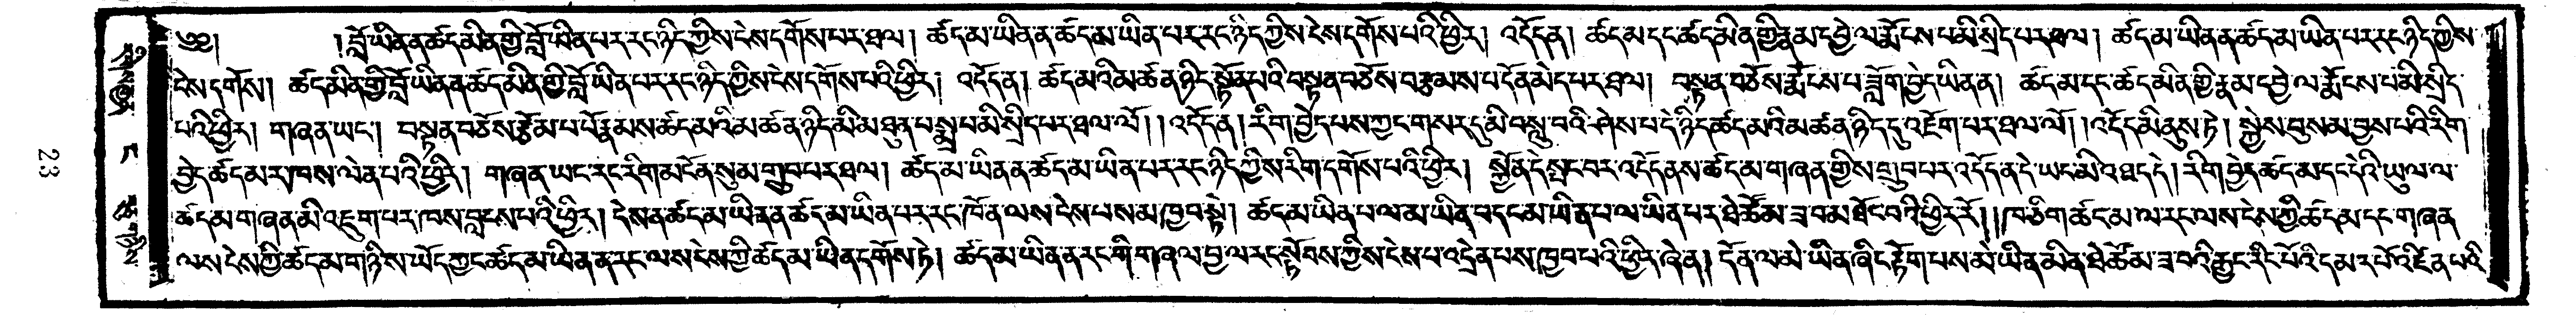༄༅། །བློ་ཡིན་ན་ཚད་མིན་གྱི་བློ་ཡིན་པར་རང་ཉིད་ཀྱིས་ངས་དགོས་པར་ཐལ། ཚད་མ་ཡིན་ན་ཚད་མ་ཡིན་པར་རང་ཉིད་ཀྱིས་ངེས་དགོས་པའི་ཕྱིར། འདོད་ན། ཚད་མ་དང་ཚད་མིན་གྱི་རྣམ་དབྱེ་ལ་རྨོངས་པ་མི་སྲིད་པར་ཐལ། ཚད་མ་ཡིན་ན་ཚད་མ་ཡིན་པར་རང་ཉིད་ཀྱིས་
ངེས་དགོས། ཚད་མིན་གྱི་བློ་ཡིན་ན་ཚད་མིན་གྱི་བློ་ཡིན་པར་རང་ཉིད་ཀྱིས་ངེས་དགོས་པའི་ཕྱིར། འདོད་ན། ཚད་མའི་མཚན་ཉིད་སྟོན་པའི་བསྟན་བཅོས་བརྩམས་པ་དོན་མེད་པར་ཐལ། བསྟན་བཅོས་རྨོངས་པ་ཟློག་བྱེད་ཡིན་ན། ཚད་མ་དང་ཚད་མིན་གྱི་རྣམ་དབྱེ་ལ་རྨོངས་པ་མི་སྲིད་
པའི་ཕྱིར། གཞན་ཡང་། བསྟན་བཅོས་རྩོམ་པ་པོ་རྣམས་ཚད་མའི་མཚན་ཉིད་མི་མཐུན་པ་སྨྲ་བ་མི་སྲིད་པར་ཐལ་ལོ། །འདོད་ན། རིག་བྱེད་པས་ཀྱང་གསར་དུ་མི་བསླུ་བའི་ཤེས་པ་དེ་ཉིད་ཚད་མའི་མཚན་ཉིད་དུ་འཇོག་པར་ཐལ་ལོ། །འདོད་མི་ནུས་ཏེ། སྐྱེས་བུས་མ་བྱས་པའི་རིག་
བྱེད་ཚད་མར་ཁས་ལེན་པའི་ཕྱིར། གཞན་ཡང་རང་རིག་མངོན་སུམ་གྲུབ་པར་ཐལ། ཚད་མ་ཡིན་ན་ཚད་མ་ཡིན་པར་རང་ཉིད་ཀྱིས་རིག་དགོས་པའི་ཕྱིར། སྐྱོན་དེ་སྤང་བར་འདོད་ནས་ཚད་མ་གཞན་གྱིས་གྲུབ་པར་འདོད་ན་དེ་ཡང་མི་འཐད་དེ། རིག་བྱེད་ཚད་མ་དང་དེའི་ཡུལ་ལ་
ཚད་མ་གཞན་མི་འཇུག་པར་ཁས་བླངས་པའི་ཕྱིར། དེས་ན་ཚད་མ་ཡིན་ན་ཚད་མ་ཡིན་པར་རང་ཁོ་ན་ལས་ངེས་པས་མ་ཁྱབ་སྟེ། ཚད་མ་ཡིན་པ་ལ་མ་ཡིན་པ་དང་མ་ཡིན་པ་ལ་ཡིན་པར་ཐེ་ཚོམ་ཟ་བ་མཐོང་བའི་ཕྱིར་རོ། །ཁ་ཅིག་ཚད་མ་ལ་རང་ལས་ངེས་ཀྱི་ཚད་མ་དང་གཞན་
ལས་ངེས་ཀྱི་ཚད་མ་གཉིས་ཡོད་ཀྱང་ཚད་མ་ཡིན་ན་རང་ལས་ངེས་ཀྱི་ཚད་མ་ཡིན་དགོས་ཏེ། ཚད་མ་ཡིན་ན་རང་གི་གཞལ་བྱ་ལ་རང་སྟོབས་ཀྱིས་ངེས་པ་འདྲེན་པས་ཁྱབ་པའི་ཕྱིར་ཞེ་ན། དོན་ལ་མེ་ཡིན་ཞིང་རྟོག་པས་མེ་ཡིན་མིན་ཐེ་ཚོམ་ཟ་བའི་རྒྱང་རིང་པོའི་དམར་པོ་འཛིན་པའི་